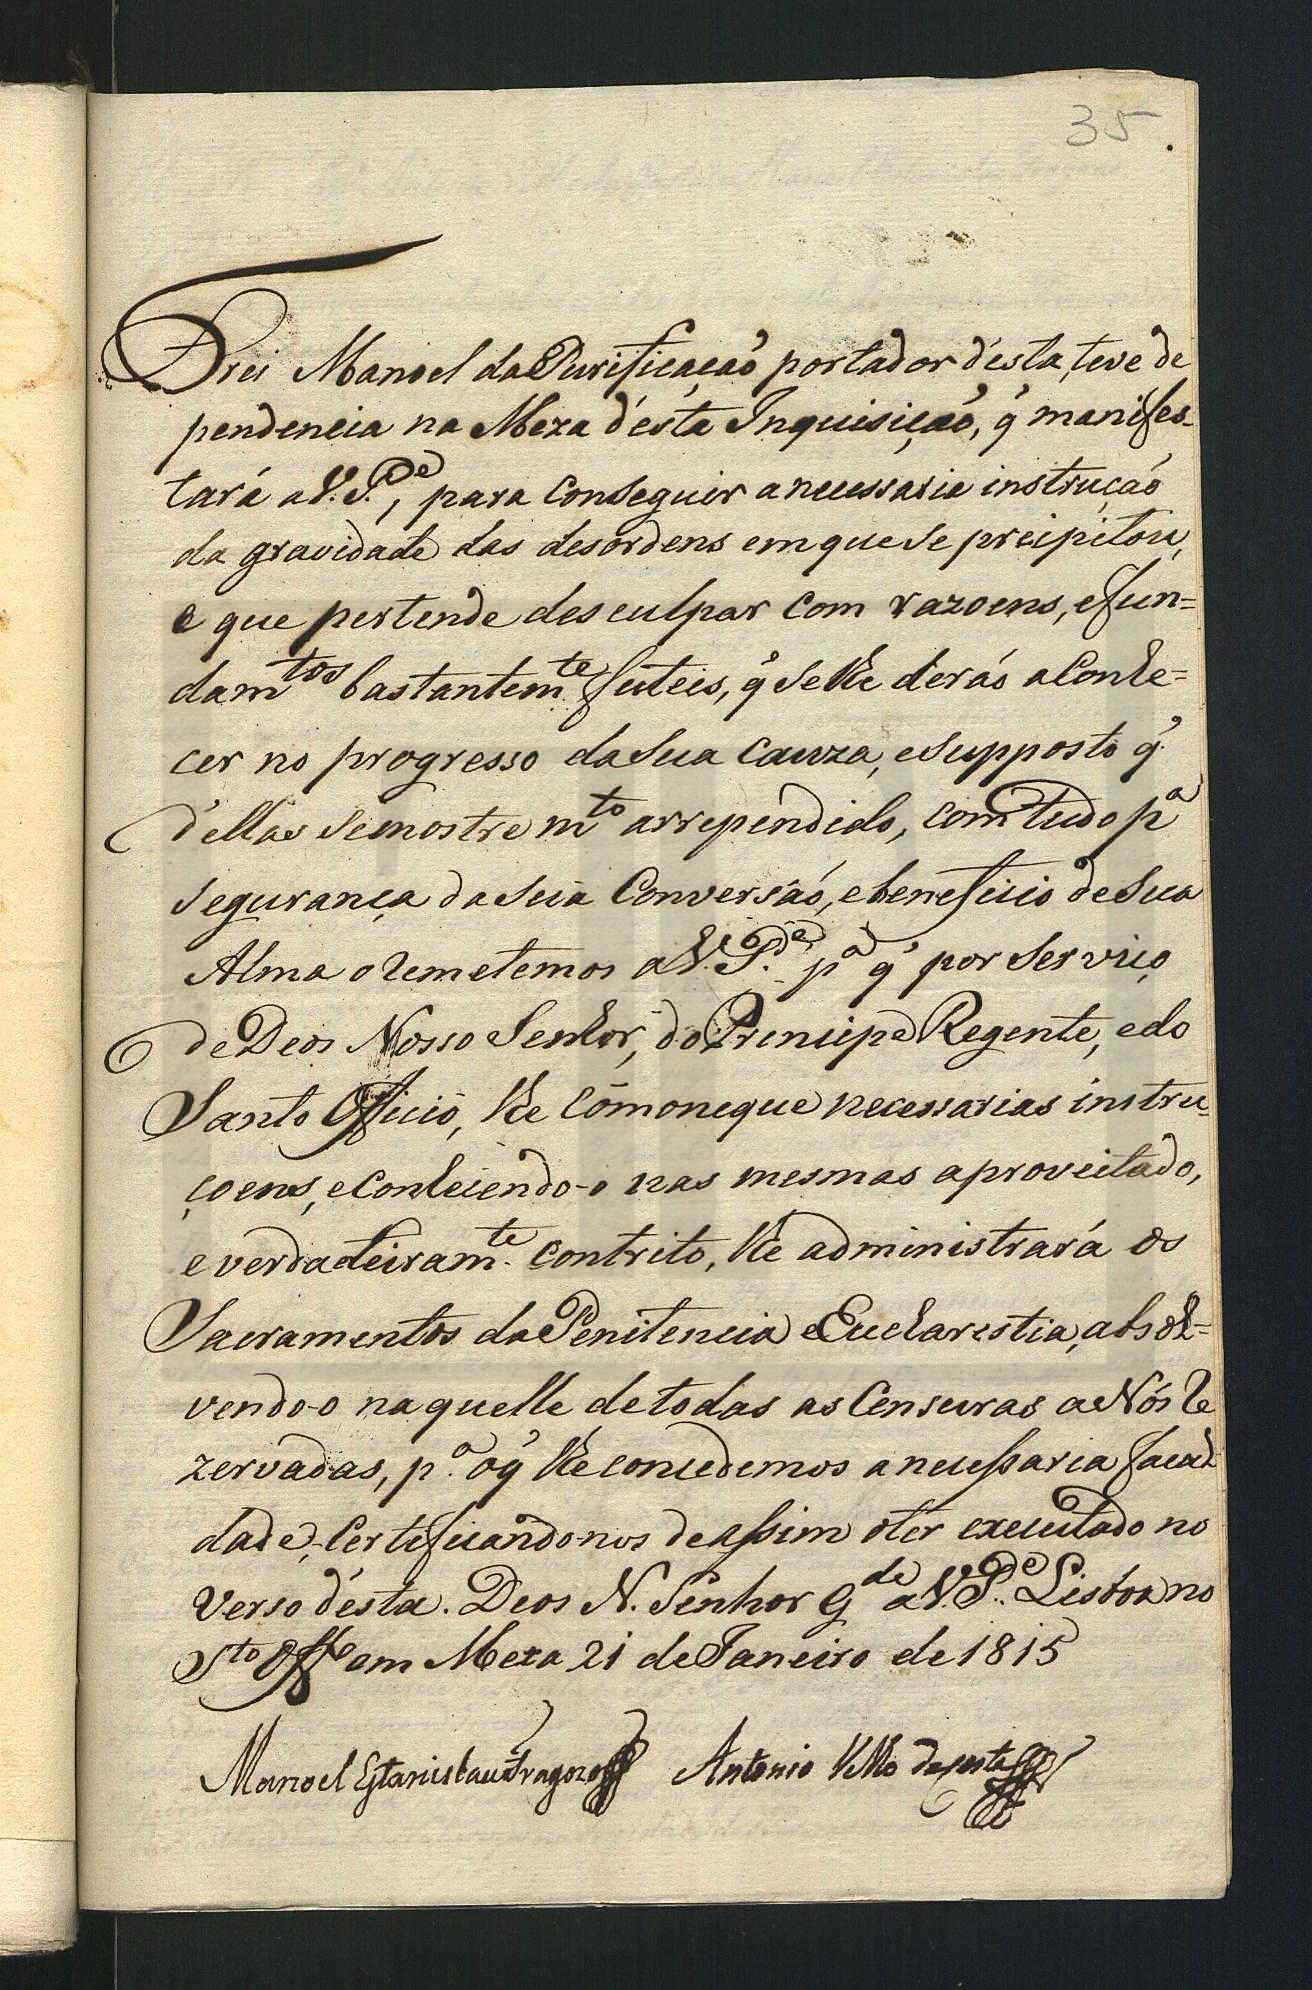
Frei Manoel da Purificaçaõ portador desta, teve de
pendencia na Meza d'esta Inquisiçaõ, q̄ manifes
tará a V. P.e, para conseguir a necessaria instruçaõ
da gravidade das desordens em que se precipitou,
e que pertende desculpar com razoens, e fun
dam.tos bastantem.te futeis, q̄ se lhe deraõ a Conhe
cer no progresso da Sua cauza, e supposto q̄
d'ellas se mostre m.to arrependido, comtudo p.a
segurança da sua Conversaõ, e beneficio de Sua
Alma o Remetemos a V. P.e p.a q̄ por serviço
de Deos Nosso Senhor, do Principe Regente, e do
Santo Officio, lhe cōmoneque necessarias instru
çoens, e conhecendo-o nas mesmas aproveitado,
e verdadeiram.te contrito, lhe administrará os
Sacramentos da Penitencia e Eucharestia, absol
vendo-o naquelle de todas as Censuras a Nós Re
zervadas, p.a o q̄ lhe concedemos a necessaria facul
dade, Certeficando-nos de assim o ter executado no
verso desta. Deos N. Senhor G.de a V. P.e Lisboa no
S.to Off.o em Meza 2i de Ianeiro de i8i5
Manoel Estanislau Fragozo Antonio Velho da Costa
